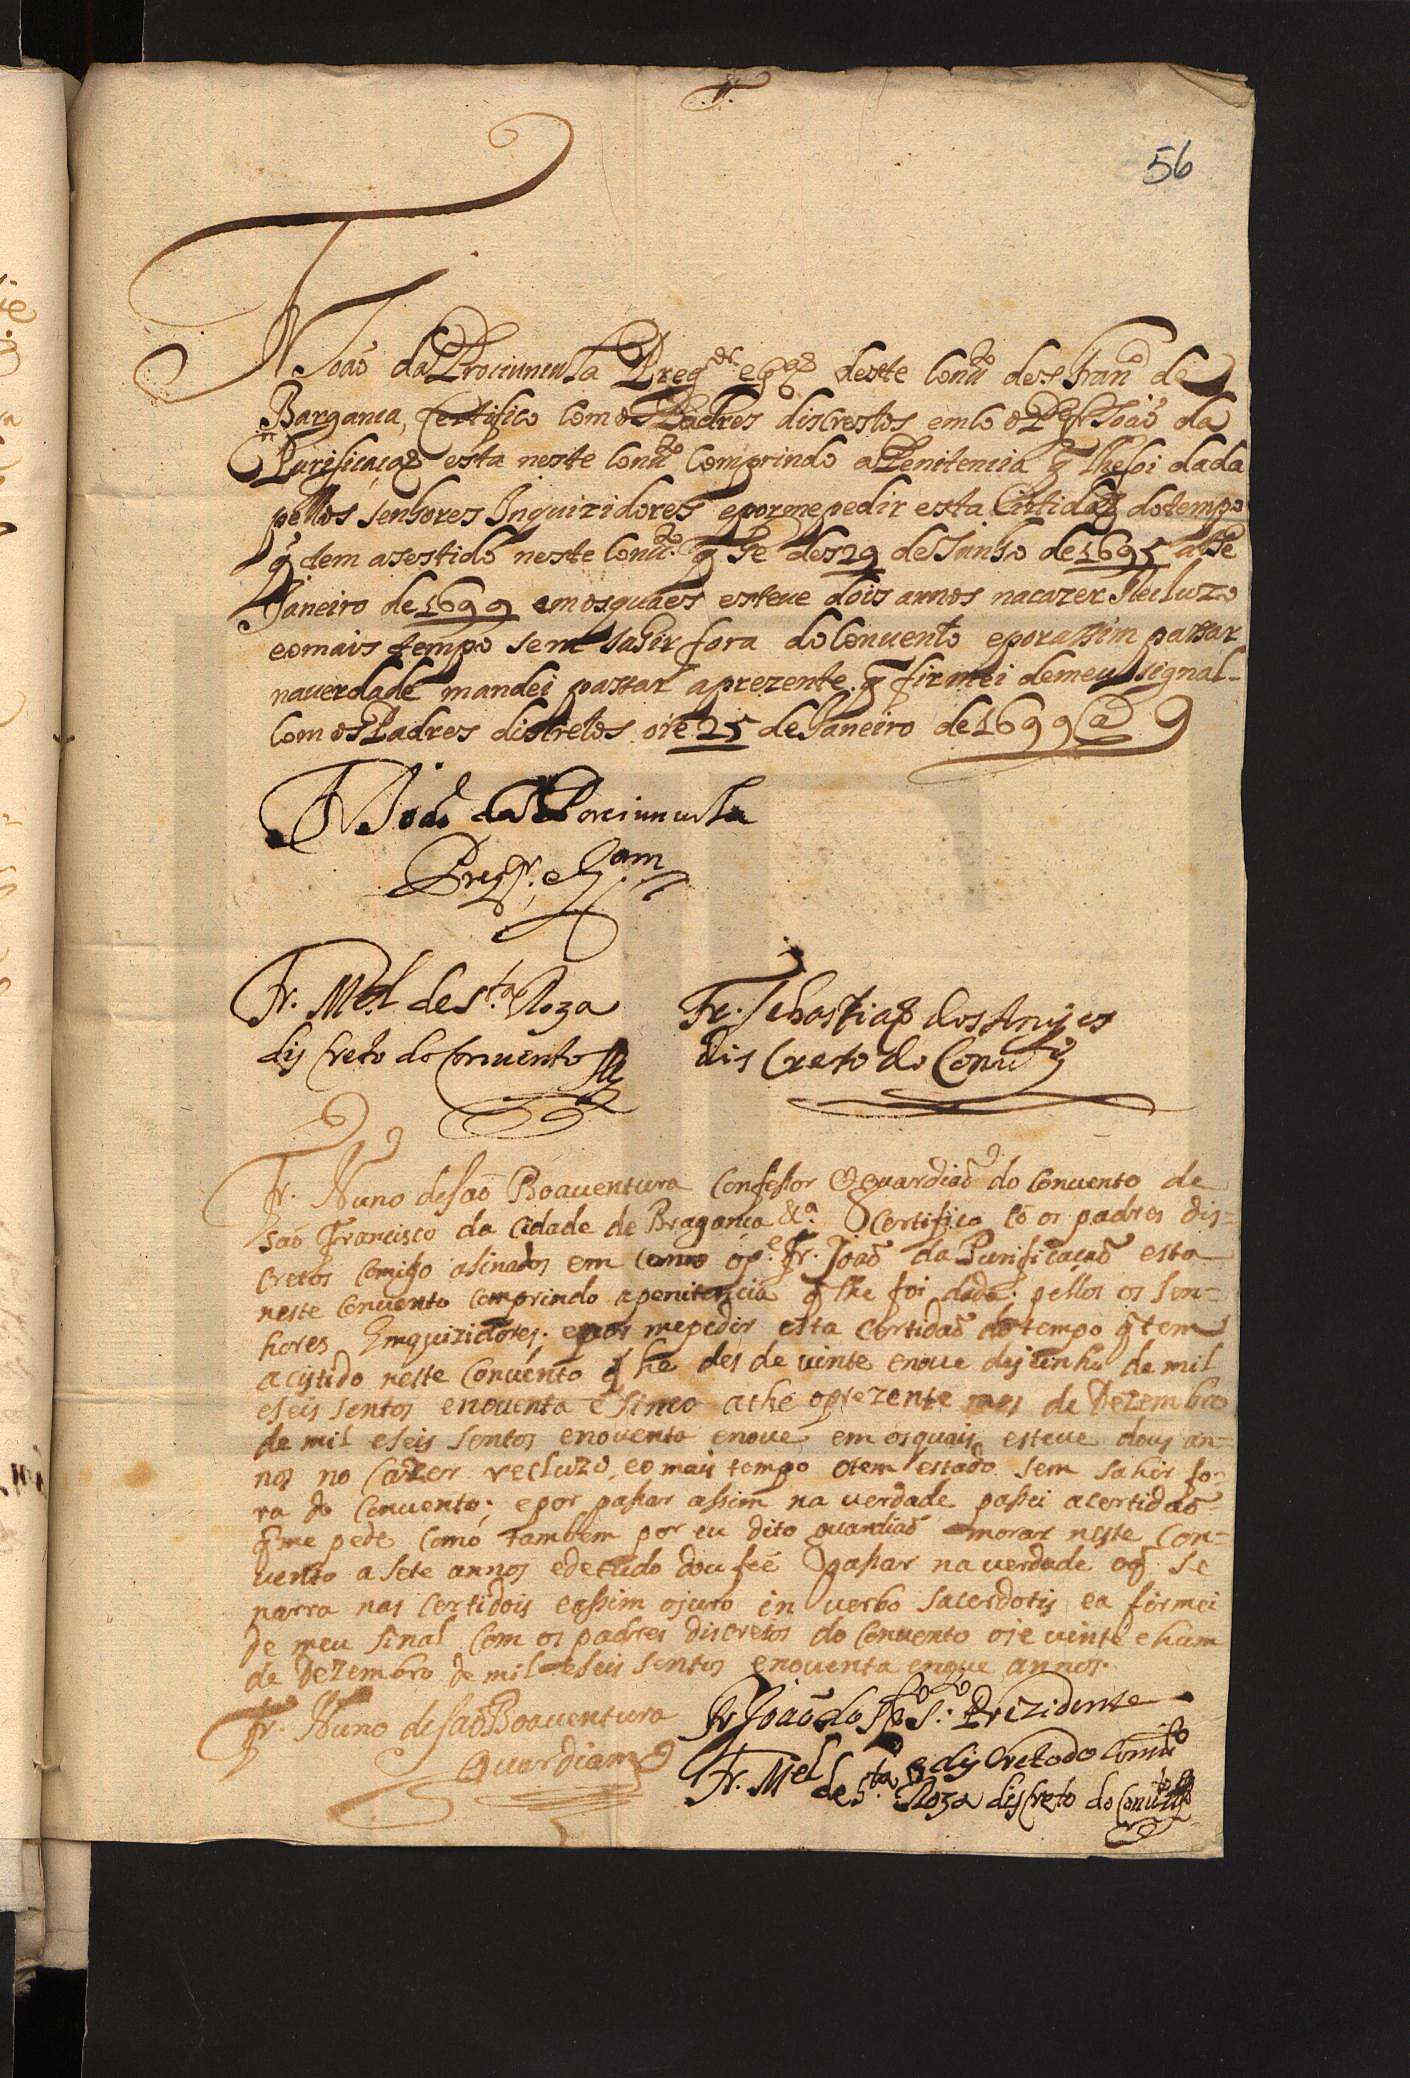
Fr Ioaõ da Prociuncula Preg.or e Gaõ deste Conuto de s Franco de
Bargança, Certifico com os Padres discrestos em lo o Pe fr. Ioaõ da
Purificaçaõ esta neste Conuto comprindo a Penitencia q̄ lhe foi dada
pellos senhores Inquizidores e por me pedir esta Certidaõ do tempo
q̄ tem asestido neste Conu.to q̄ he de 29 de Iunho de 1695 athe
Janeiro de 1699 em os quaes esteue dois annos na cazer Recluzo
e o mais tempo sem sahir fora do Conuento e por assim passar
na uerdade mandei passar a prezente q̄ firmei de meu signal
Com os Padres discretos oie 25 de Ianeiro de 1699 ā
Fr Ioaõ da Porciuncula
Preg.or, e Ga.m
Fr. Me.l de S.ta Roza
disCreto do Conuento
Fr. Sebastiaõ dos Anyos
disCreto do Conuto
Fr. Nuno de Saõ Boaventura Confessor e guardiaõ do conuento de
saõ Francisco da Cidade de Bragança &a. Certifica cō os padres dis
cretos Comigo asinados em como o p.e Fr. Joaõ da Purificaçaõ esta
neste Conuento cumprindo a penitencia q̄ lhe foi dada; pellos os sen
hores Jmquizidores; e por me pedir esta certidaõ do tempo q̄ tem
acistido neste Conuento q̄ he desde uinte e noue de junho de mil
e seissentos e nouenta e sinco athe o prezente mes de Dezembro
de mil e seissentos e nouenta e noue em os quais esteue dous an
nos no Carcer recluzo, e o mais tempo o tem estado sem sahir fo
ra do Conuento e por passar assim na uerdade passei a certidaõ
q̄ me pede como tambem por eu dito guardiaõ _ morar neste Con
uento a sete annos e de tudo dou feé passar na uerdade o q̄ se
parra nas certidois, e assim o juro in uerbo Sacerdotis, e a firmei
de meu sinal com os padres discretos do Conuento oie uinte e hum
de Dezembro de mil e seissentos e nouenta noue annos.
Fr. Nuno de Saõ Boauentura
Guardiam
Fr Joaõ do Spto S.to Prezidente
e discreto do conuto
Fr. Mel de S.ta Roza disCreto do Conuto
